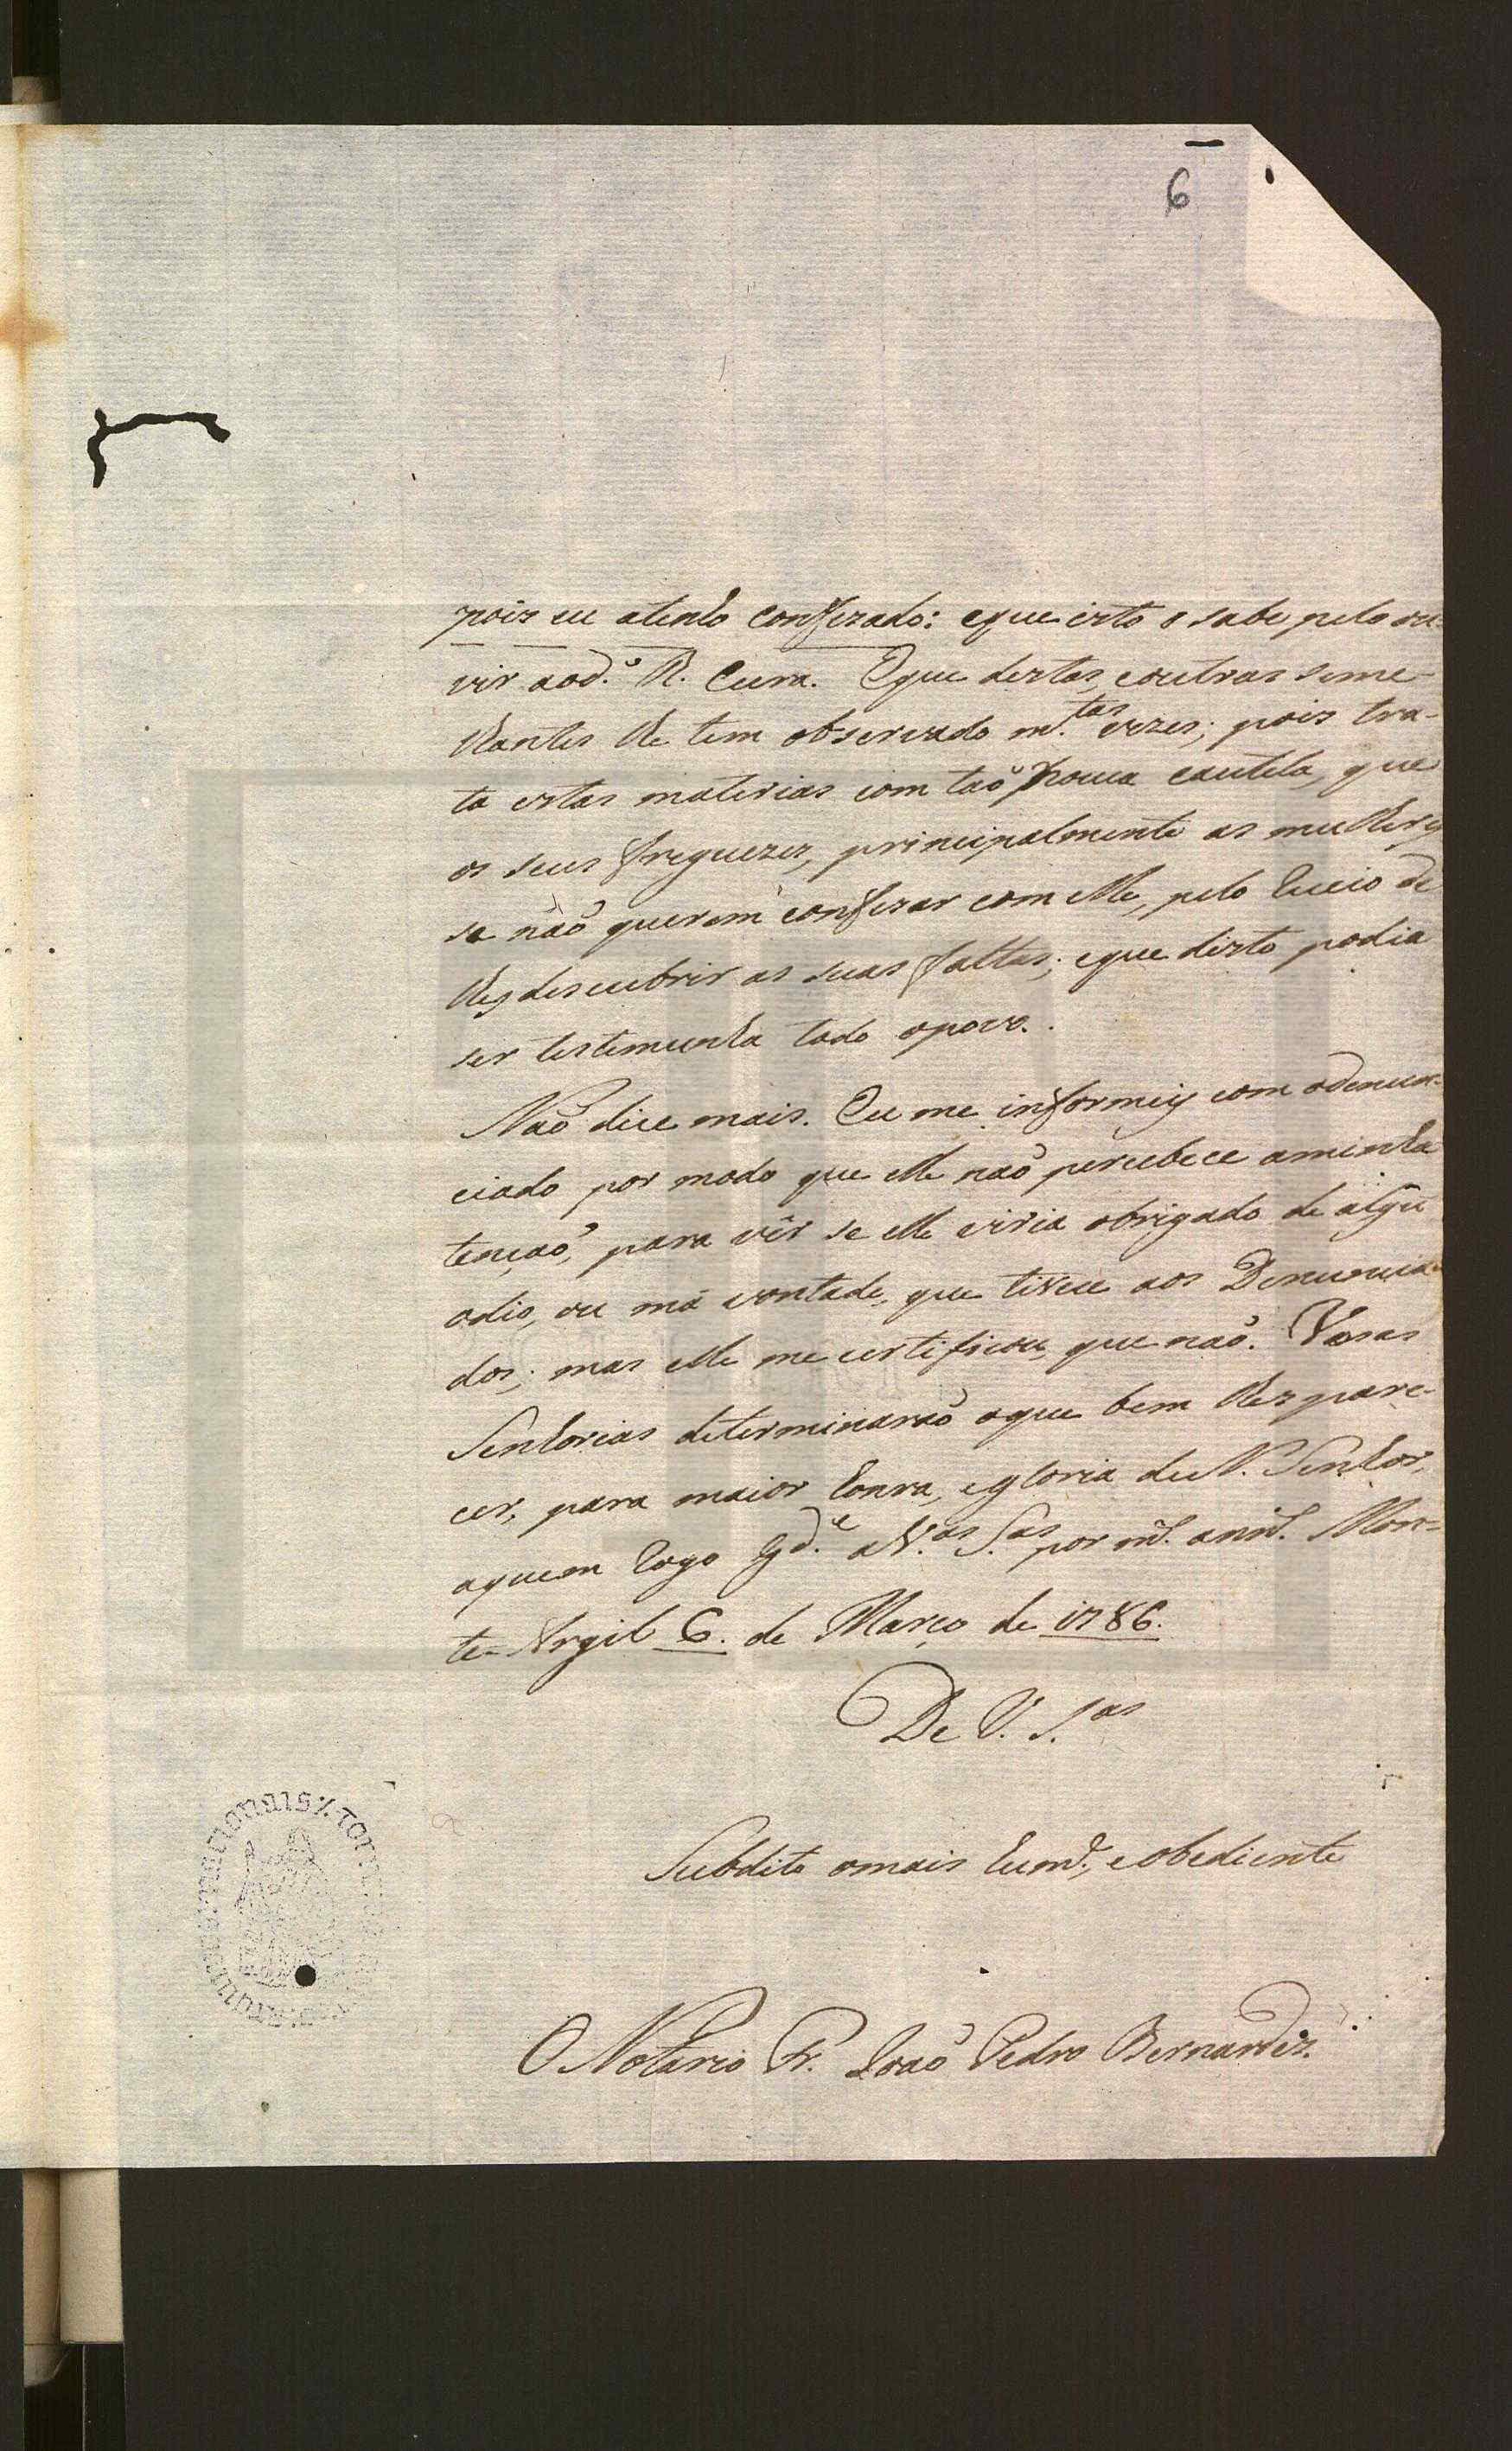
pois eu a tenho confesado: e que isto o sabe pelo ou
vir ao d.o R. Cura. E que destas, e outras seme
lhantes lhe tem observado m.tas vezes; pois tra
ta estas materias com taõ pouca cautela, que
os seus freguezes, principalmente as mulheres
se naõ querem confesar com elle, pelo Receio de
lhes descubrir as suas faltas, e que disto podia
ser testemunha todo o povo.
Naõ dice mais. Eu me informey com o denun
ciado por modo que elle naõ percebece a minha
tençaõ, para vêr se elle viria obrigado de algū
odio, ou má vontade, que tivece aos Denuncia
dos; mas elle me certificou, que naõ. Vosas
Senhorias determinaraõ o que bem lhes pare
cer, para maior honra, e gloria de N. Senhor,
a quem Rogo Gd.e a V.as S.as por m.s ann.s Mon
te Argil 6. de Março de i786
De V. S.as
Subdito o mais hum.e, e obediente
O Notario Fr. Ioaõ Pedro Bernardes.
